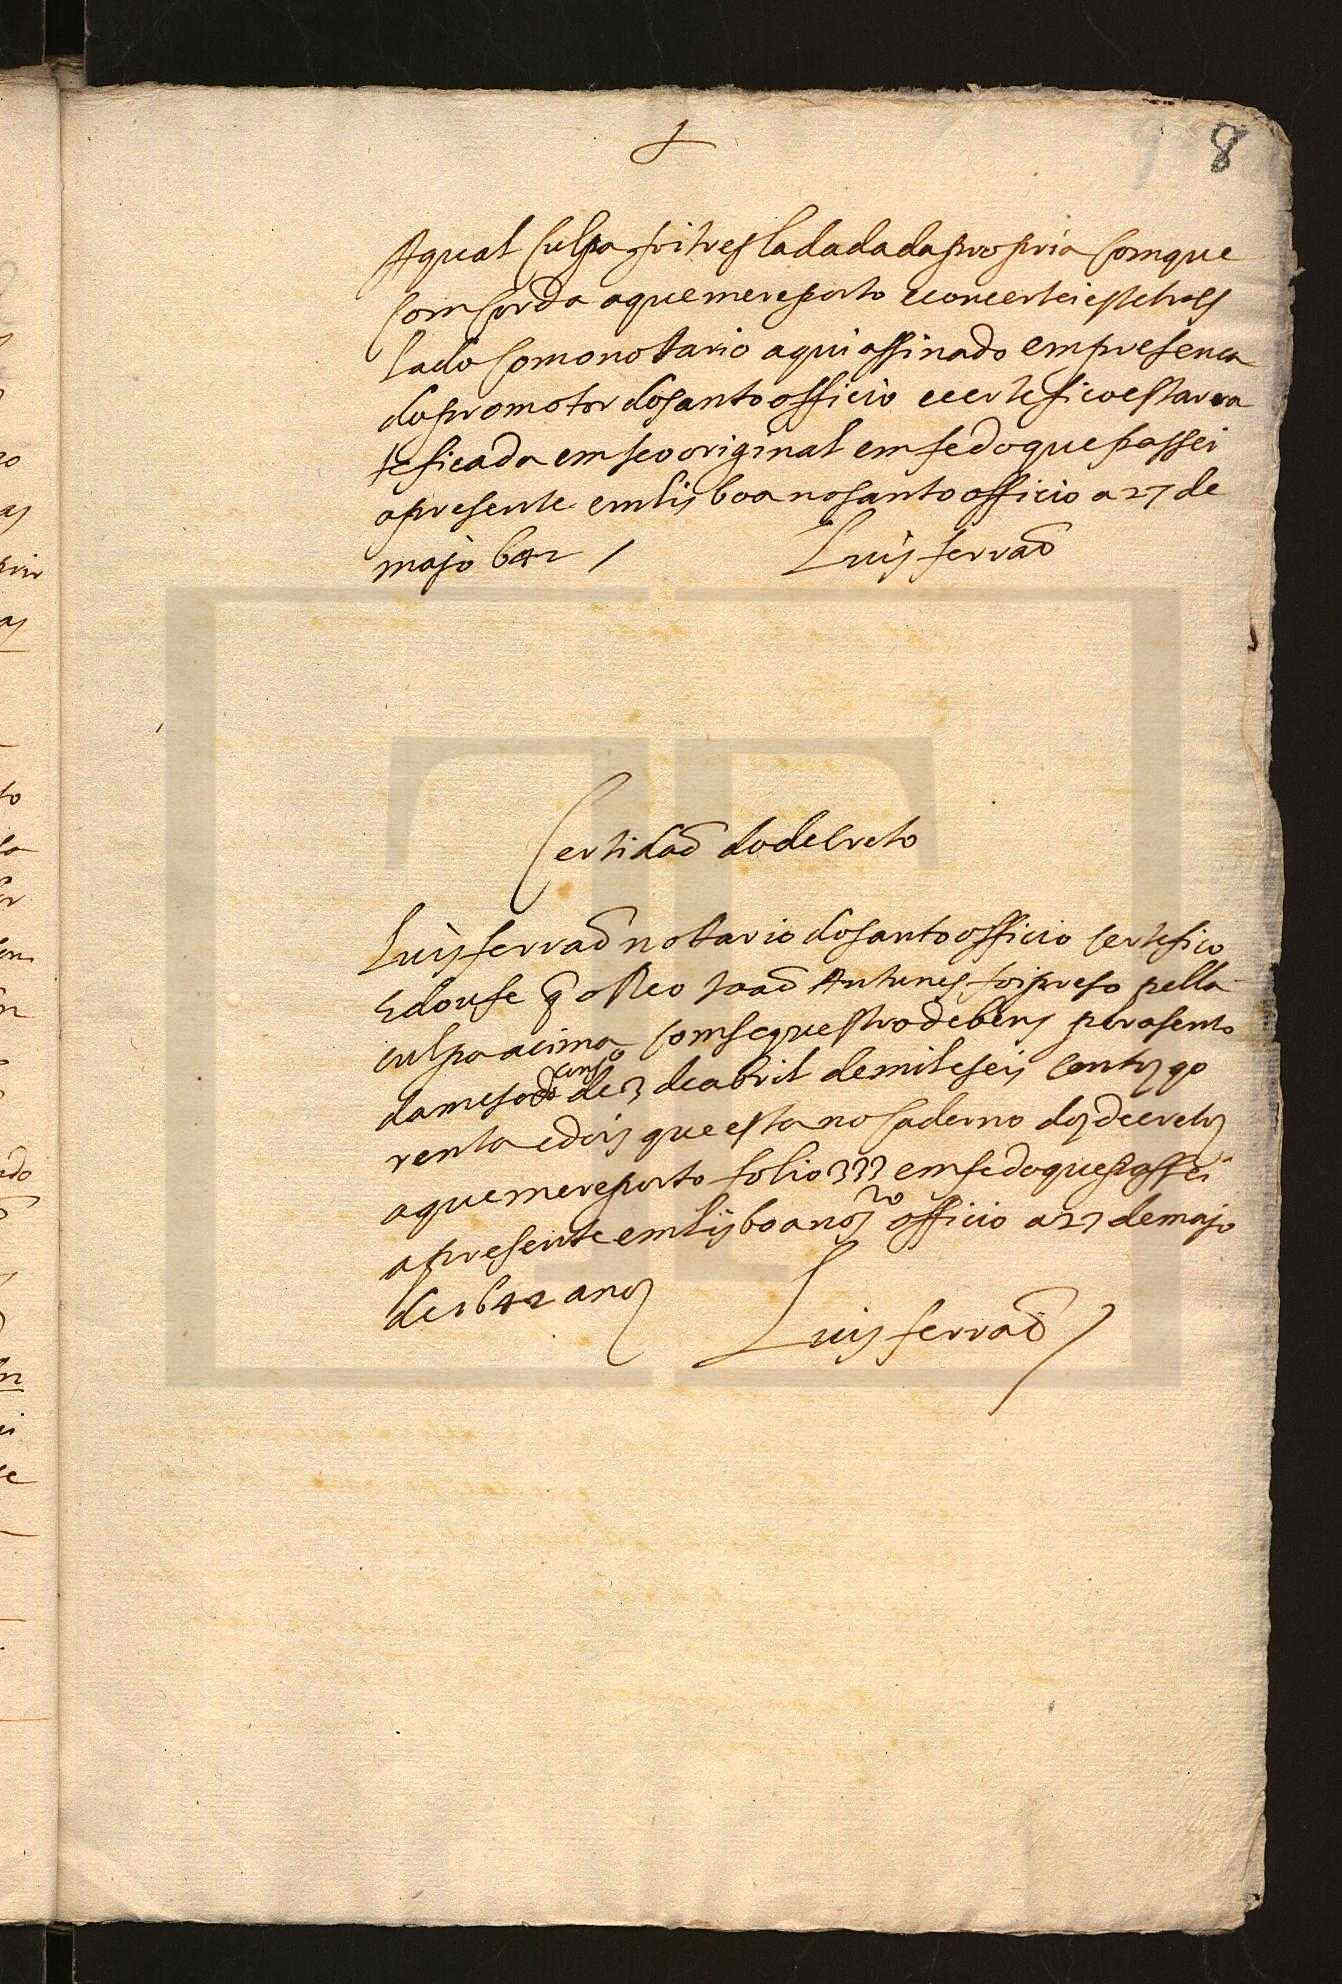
A qual Culpa foi tresladada da propria Com que
ComCorda a que me reporto e concertei este tres
lado Com o notario aqui assinado em presença
do promotor do santo officio e certefico estar ra
teficada em seo original em fe do que passei
a presente em lisboa no santo officio a 27 de
majo 642 /
Luis ferraõ
Certidaõ do decreto
Luis ferraõ nottario do santo officio Certefico
E dou fe q̄ o Reo Joaõ Antunes foi preso pella
culpa acima Com sequestro de bens per asento
da mesa do conso de 3 de abril de mil e seiscentos qo
renta e dois que esta no Caderno dos decretoz
a que me reporto folio 333 em fe do que passei
a presente em Lisboa no sto officio a 27 de majo
de 1642 anoz
Luis ferraõ
